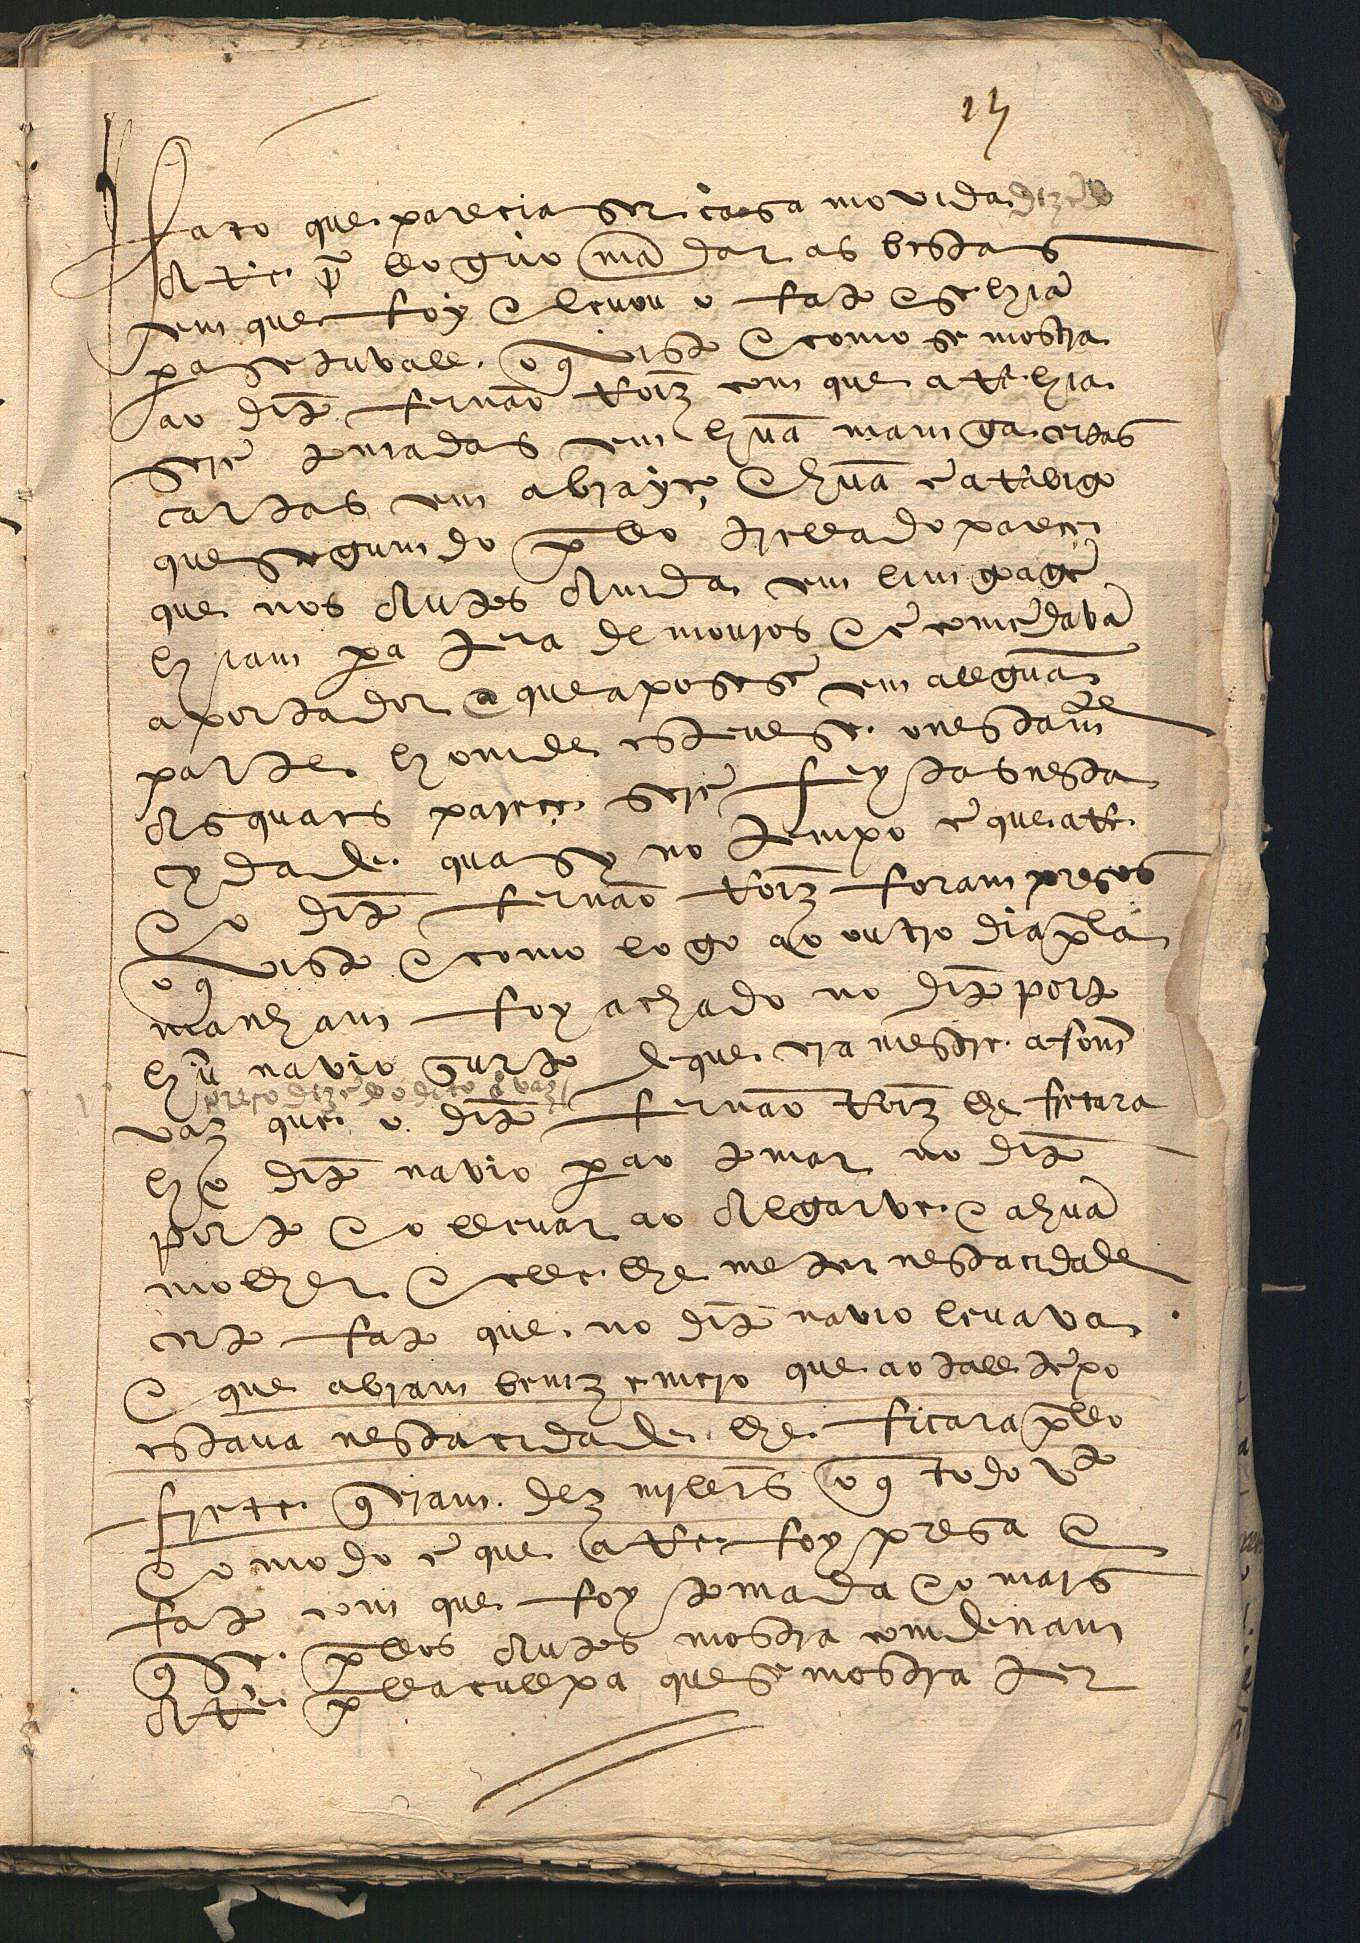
15
fato que parecia ser casa movida dizēdo
A Re p̄o lloguo mādar as bestas
em que foy e leuou o fato e se hiā
ꝑa setuvall. o q̄ visto e como se mostra
ao dito fernão Roīz com que a Re hia
serē tomadas em hūa mamga certas
cartas em abrayco e hūa ē aRabigo
que segumdo p̄llo trellado parece
que nos Autos Amda em limgoagē
hiam ꝑa tera de mouros e ēcomēdavā
a portador a que a posesē em allgūa
parte homde esteuese onestamte
As quaes parece serē feytas nesta
cydade. quasy no tempo ē que a Re
e o dito fernão Roīz foram presos
o q̄ visto e como logo ao outro dia p̄la
manham foy achado no dito porto
hū navio surto de que era mestre afom̄
vaz
preso dizēdo o dito ao vaz
que o dito fernão Roīz lhe fretara
ho dito navio ꝑa o tomar no dito
porto e o lleuar ao Algarve e a huā
molher e elle lhe meter nesta cidade
certo fato que no dito navio leuava
e que abram benizemero que ao tall tēpo
estaua nesta cidade lhe ficara p̄llo
frete q̄ eram dez mjll r̄s o q̄ todo vto
e o modo ē que a Re foy presa e
fato com que foy tomada e o majs
q̄ se p̄llos Autos mostra comdenam
A Re p̄lla cullpa que se mostra ter
